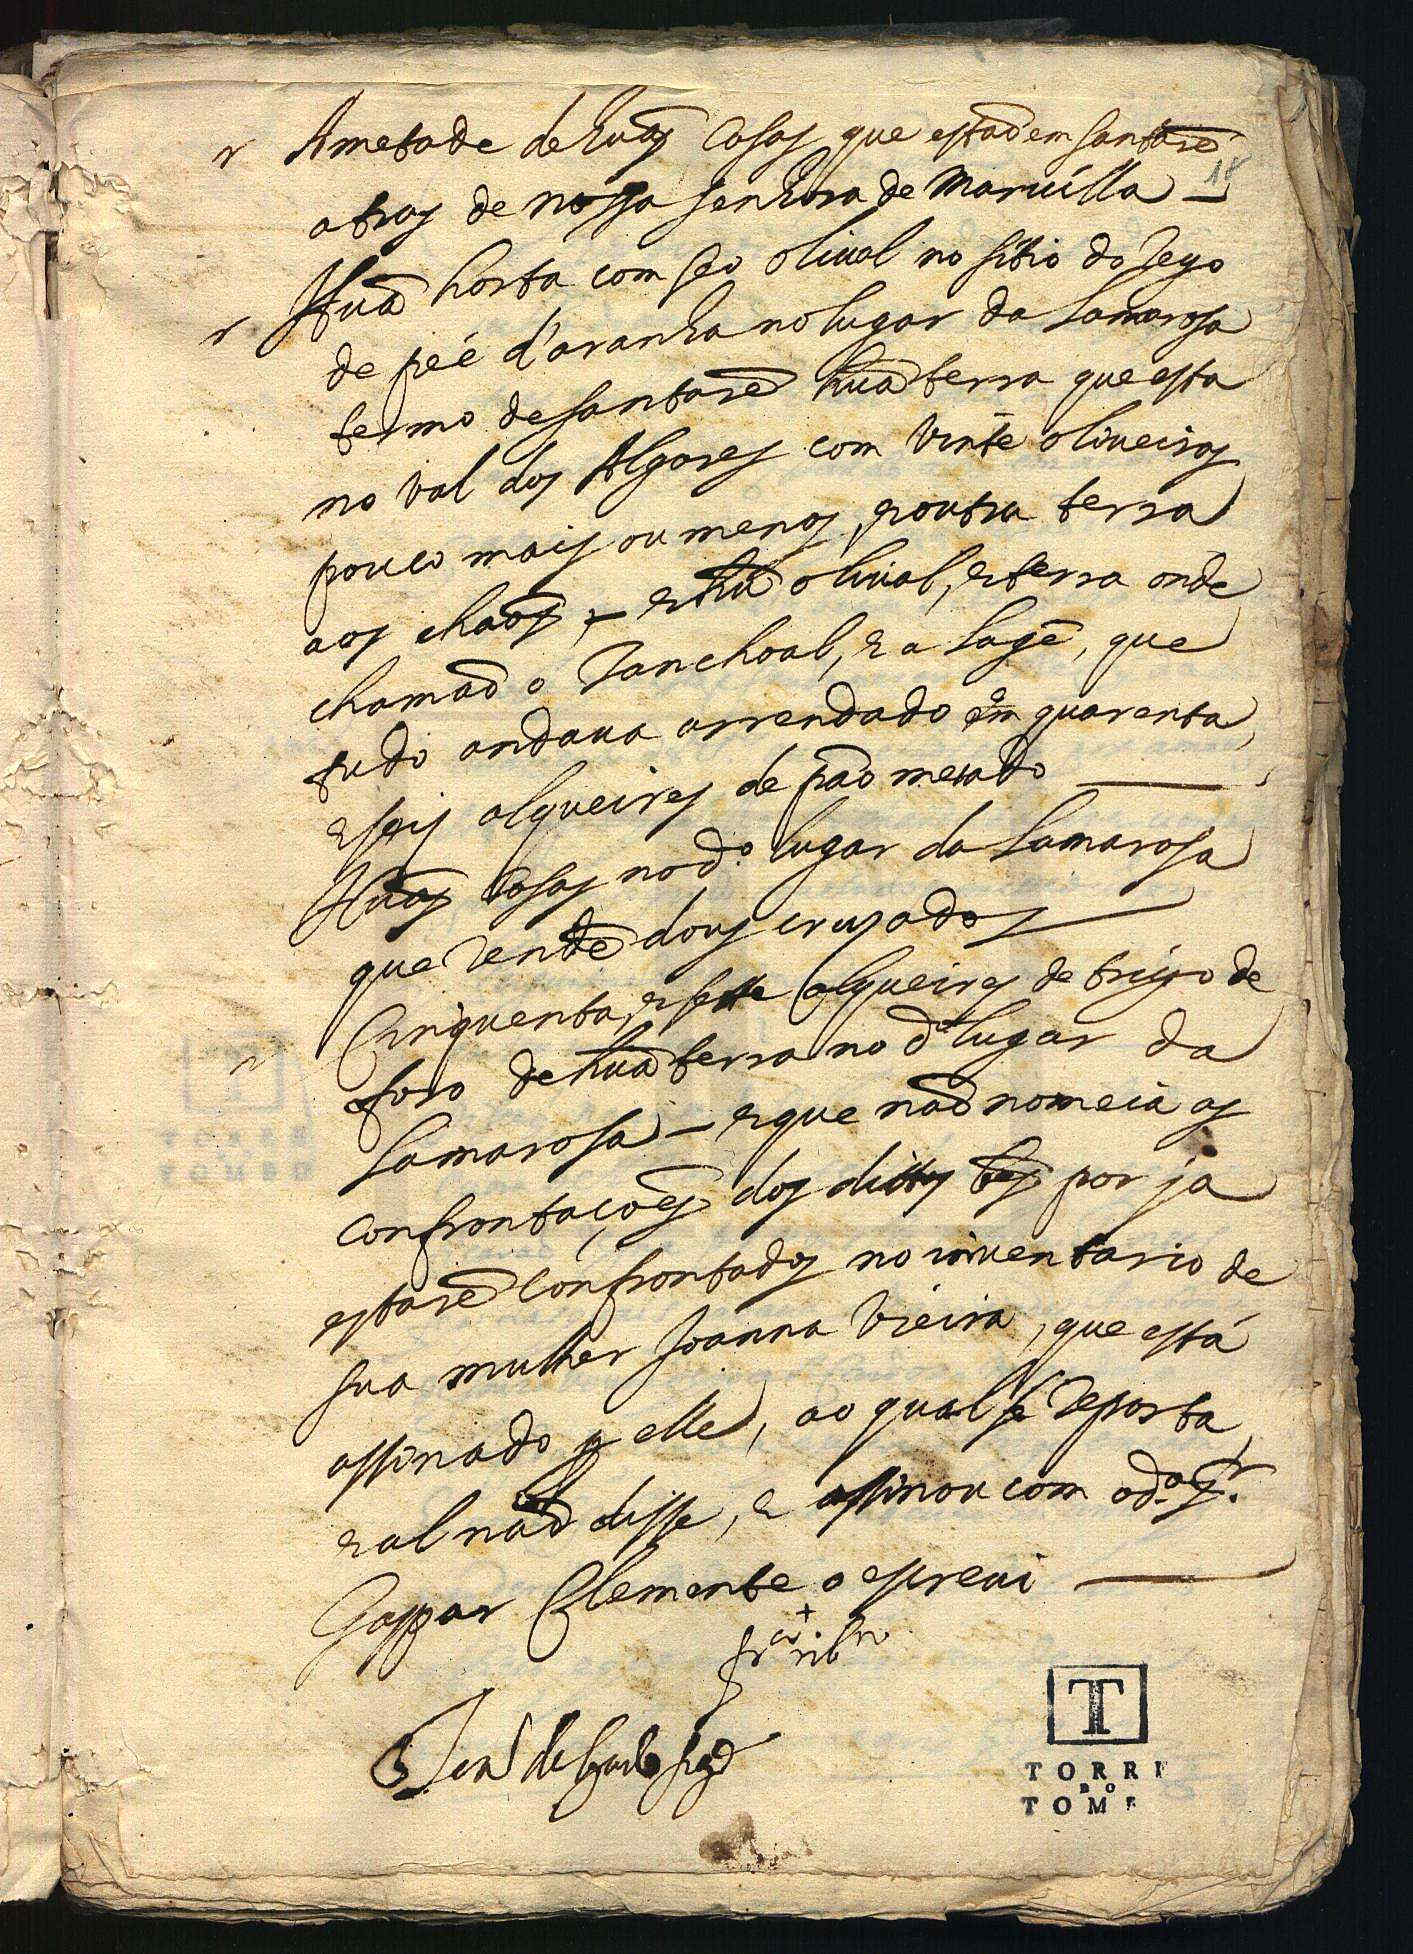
" A metade de huās casas que estaõ em santarē
atras de nossa senhora de maruilla -
" Huā horta com seo oliual no sitio do Rego
de peé d'aranha no lugar da Lamarosa
termo de santarē huā terra que esta
no val dos Algozes com vinte oliueiras
pouco mais ou menos, E outra terra
aos chaõs, E hū oliual, E terra onde
chamaõ o Tanchoal, E a Lagē, que
tudo andaua arrendado em quarenta,
E seis alqueires de pão meiado
Huas̄ casas no d.o lugar da Lamarosa
que Rendē dous cruzados
Cinquenta, E sette alqueires de trigo de
foro de huā terra no do lugar da
Lamarosa - E que naõ nomeia as
confrontaçoẽs dos dittos bēs por ja
estarē confrontados no inuentario de
sua mulher Joanna Vieira, que está
assinado ꝑ elle, ao qual se reporta,
E al naõ disse, E assinou com o d.o s.or
Gaspar Clemente o escreui
